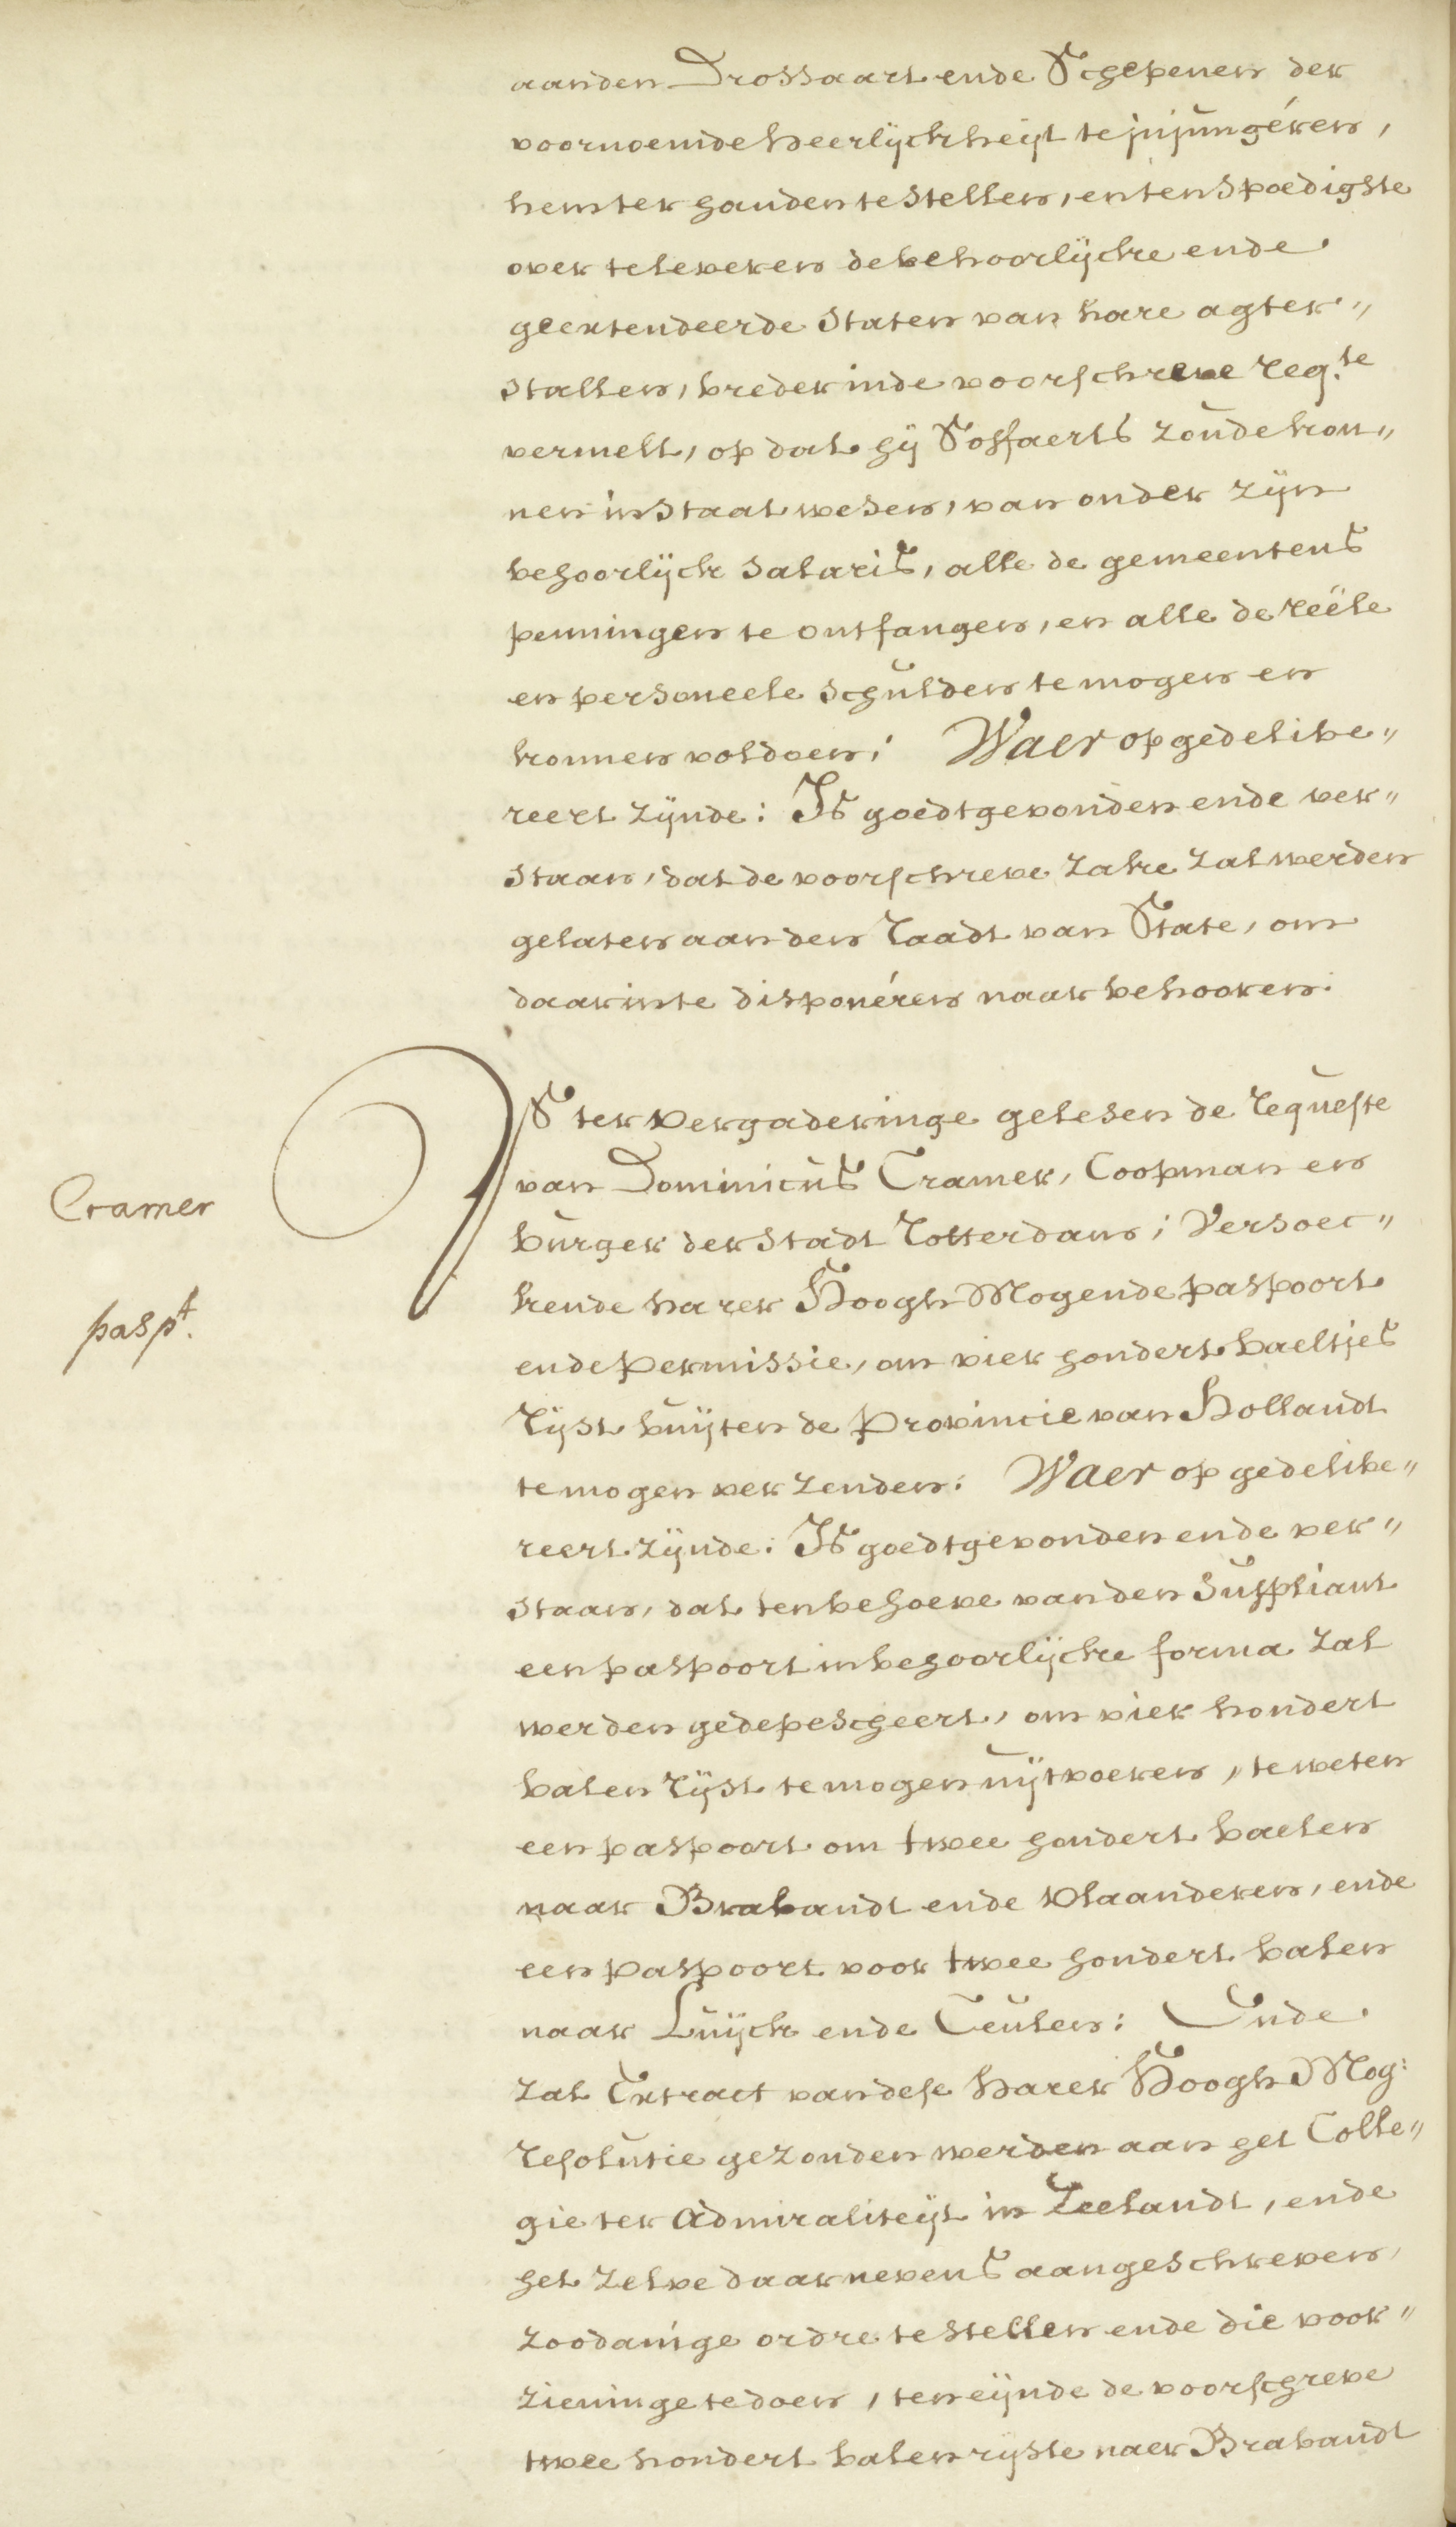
aanden Drossaart ende Schepenen der
voornoemde heerlijckheijt te injungeren,
hem ter handen te stellen, en ten spoedigste
over te leveren de behoorlijcke ende
geextendeerde staten van hare agter„
stallen, breder inde voorschreve reqte
vermelt, op dat hij Sossaerts zoude kon„
nen in staat wesen, van onder zijn
behoorlijck salaris, alle de gemeentens
penningen te ontfangen, en alle de reële
en personeele schulden te mogen en
konnen voldoen: Waerop gedelibe„
reert zijnde: Is goedtgevonden ende ver„
staan, dat de voorschreve zake zal werden
gelaten aan den raadt van State, om
daarin te disponeren naar behooren.
Cramer
paspt.
Is ter vergaderinge gelesen de requeste
van Dominicus Cramer, Coopman en
burger der stadt Rotterdam; versoec„
kende harer Hoogh Mogende paspoort
ende permissie om vier hondert baeltjes
rijst buijten de provincie van Hollandt
te mogen verzenden: Waer op gedelibe„
reert zijnde, Is goedtgevonden ende ver„
staen, dat tenbehoeve van de suppliant
een paspoort in behoorlijcke forma zal
werden gedepescheert, om vier hondert
balen rijst te mogen uijtvoeren, te weten
een paspoort om twee hondert baelen
naar Brabandt ende Vlaanderen, ende
een paspoort voor twee hondert balen
naar Luijck ende Ceulen: Ende
zal Extract van dese harer Hooghe Mog:
resolutie gezonden werden aan het Colle„
gie ter Admiraliteijt in Zeelandt, ende
het zelve daarnevens aangeschreven
zoodanige ordre te stellen ende die voor„
zieninge te doen, ten eijnde de voorschreve
twee hondert balen rijste naer Brabandt
